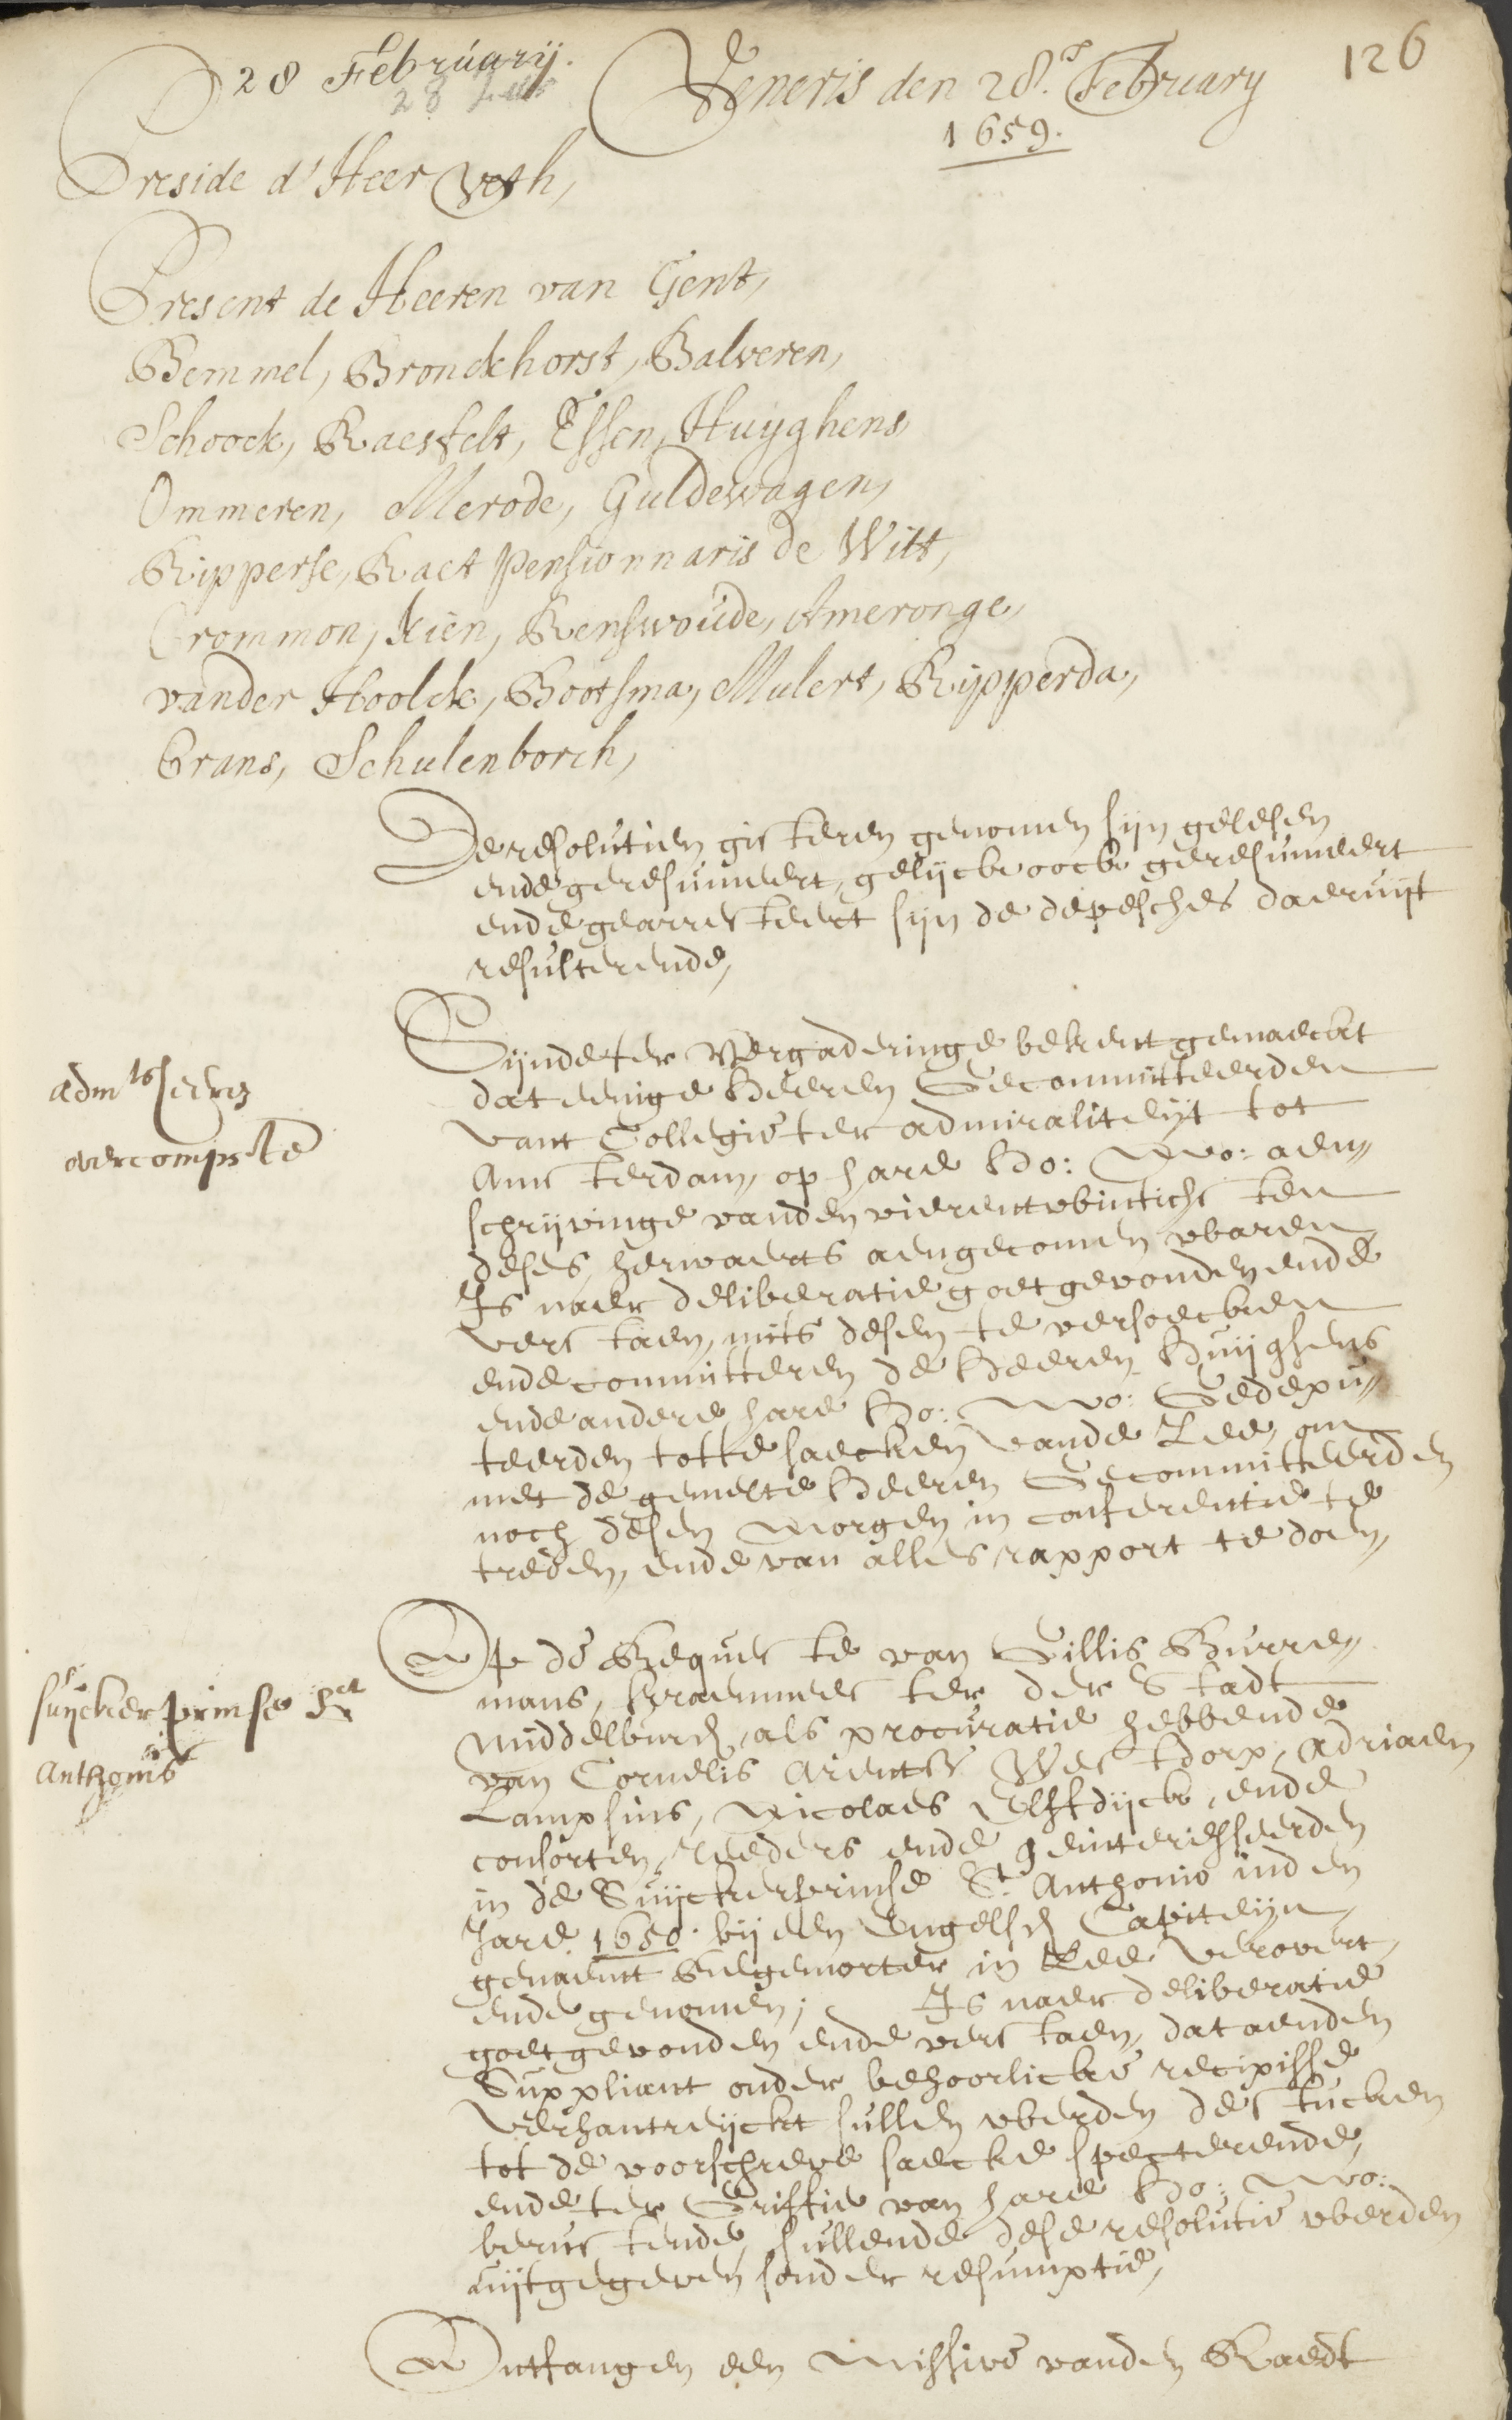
126
Veneris den 28en. February
1659.
28 Februarij.
28 Febr.
Preside d'Heer Veth,
Present de Heeren van Gent,
Bemmel, Bronckhorst, Balveren,
Schoock, Raesfelt, Essen, Huyghens
Ommeren, Merode, Guldewagen,
Ripperse, Raetpensionnaris de Witt
Crommon, Kien, Renswoude, Ameronge,
vander Hoolck, Bootsma, Mulert, Rippperda,
Crans, Schulenborch,
De resolutien gisteren genomen sijn gelesen
ende geresumeert, gelijck oock geresumeert
ende gearresteert sijn de depesches daeruijt
resulterende.
Admts. heeren
overcompste
Sijnde ter Vergaderinge bekent gemaeckt
dat eenige Heeren Gecommitteerden
vant Collegie ter admiraliteijt tot
Amsterdam, op hare Ho:Mo: aen,,
schrijvinge vanden vierentwintichsten
deses herwaerts aengecomen waren
Is naer deliberatie goetgevonden ende
verstaen, mits desen te versoecken
ende committeren de Heeren Huijghens
ende andere hare Ho:Mo: Gedepu„
teerden totte saecken vande Zee, om
met de gemelte Heeren Gecommitteerden
noch desen morgen in conferentie te
treden, ende van alles rapport te doen.
suijcker prinse St.
anthonis
Op de requeste van Gillis Burre,,
mans, kraenmeester der Stadt
Middelburch als procuratie hebbende
van Cornelis Arentsz Westdorp, Adriaen
Lampsins, Nicolaes Elffdijck, ende
consorten, reeders ende geinteresseerden
in de Suijckerprinse St. Anthonio inden
jare 1650 bij een Engelsch Capiteijn
genaemt Regemorter in zee verovert
ende genomen; is naer deliberatie
goetgevonden ende verstaen, dat aenden
Suppliant onder behoorlicke recipisse
verhantreijckt sullen werden de stucken
tot de voorschreve saecke specterende,
ende ter Griffie van hare ho:Mo:
berustende sullende dese resolutie werden
uijtgegeven sonder resumptie.
Ontfangen een missive vanden Raedt
